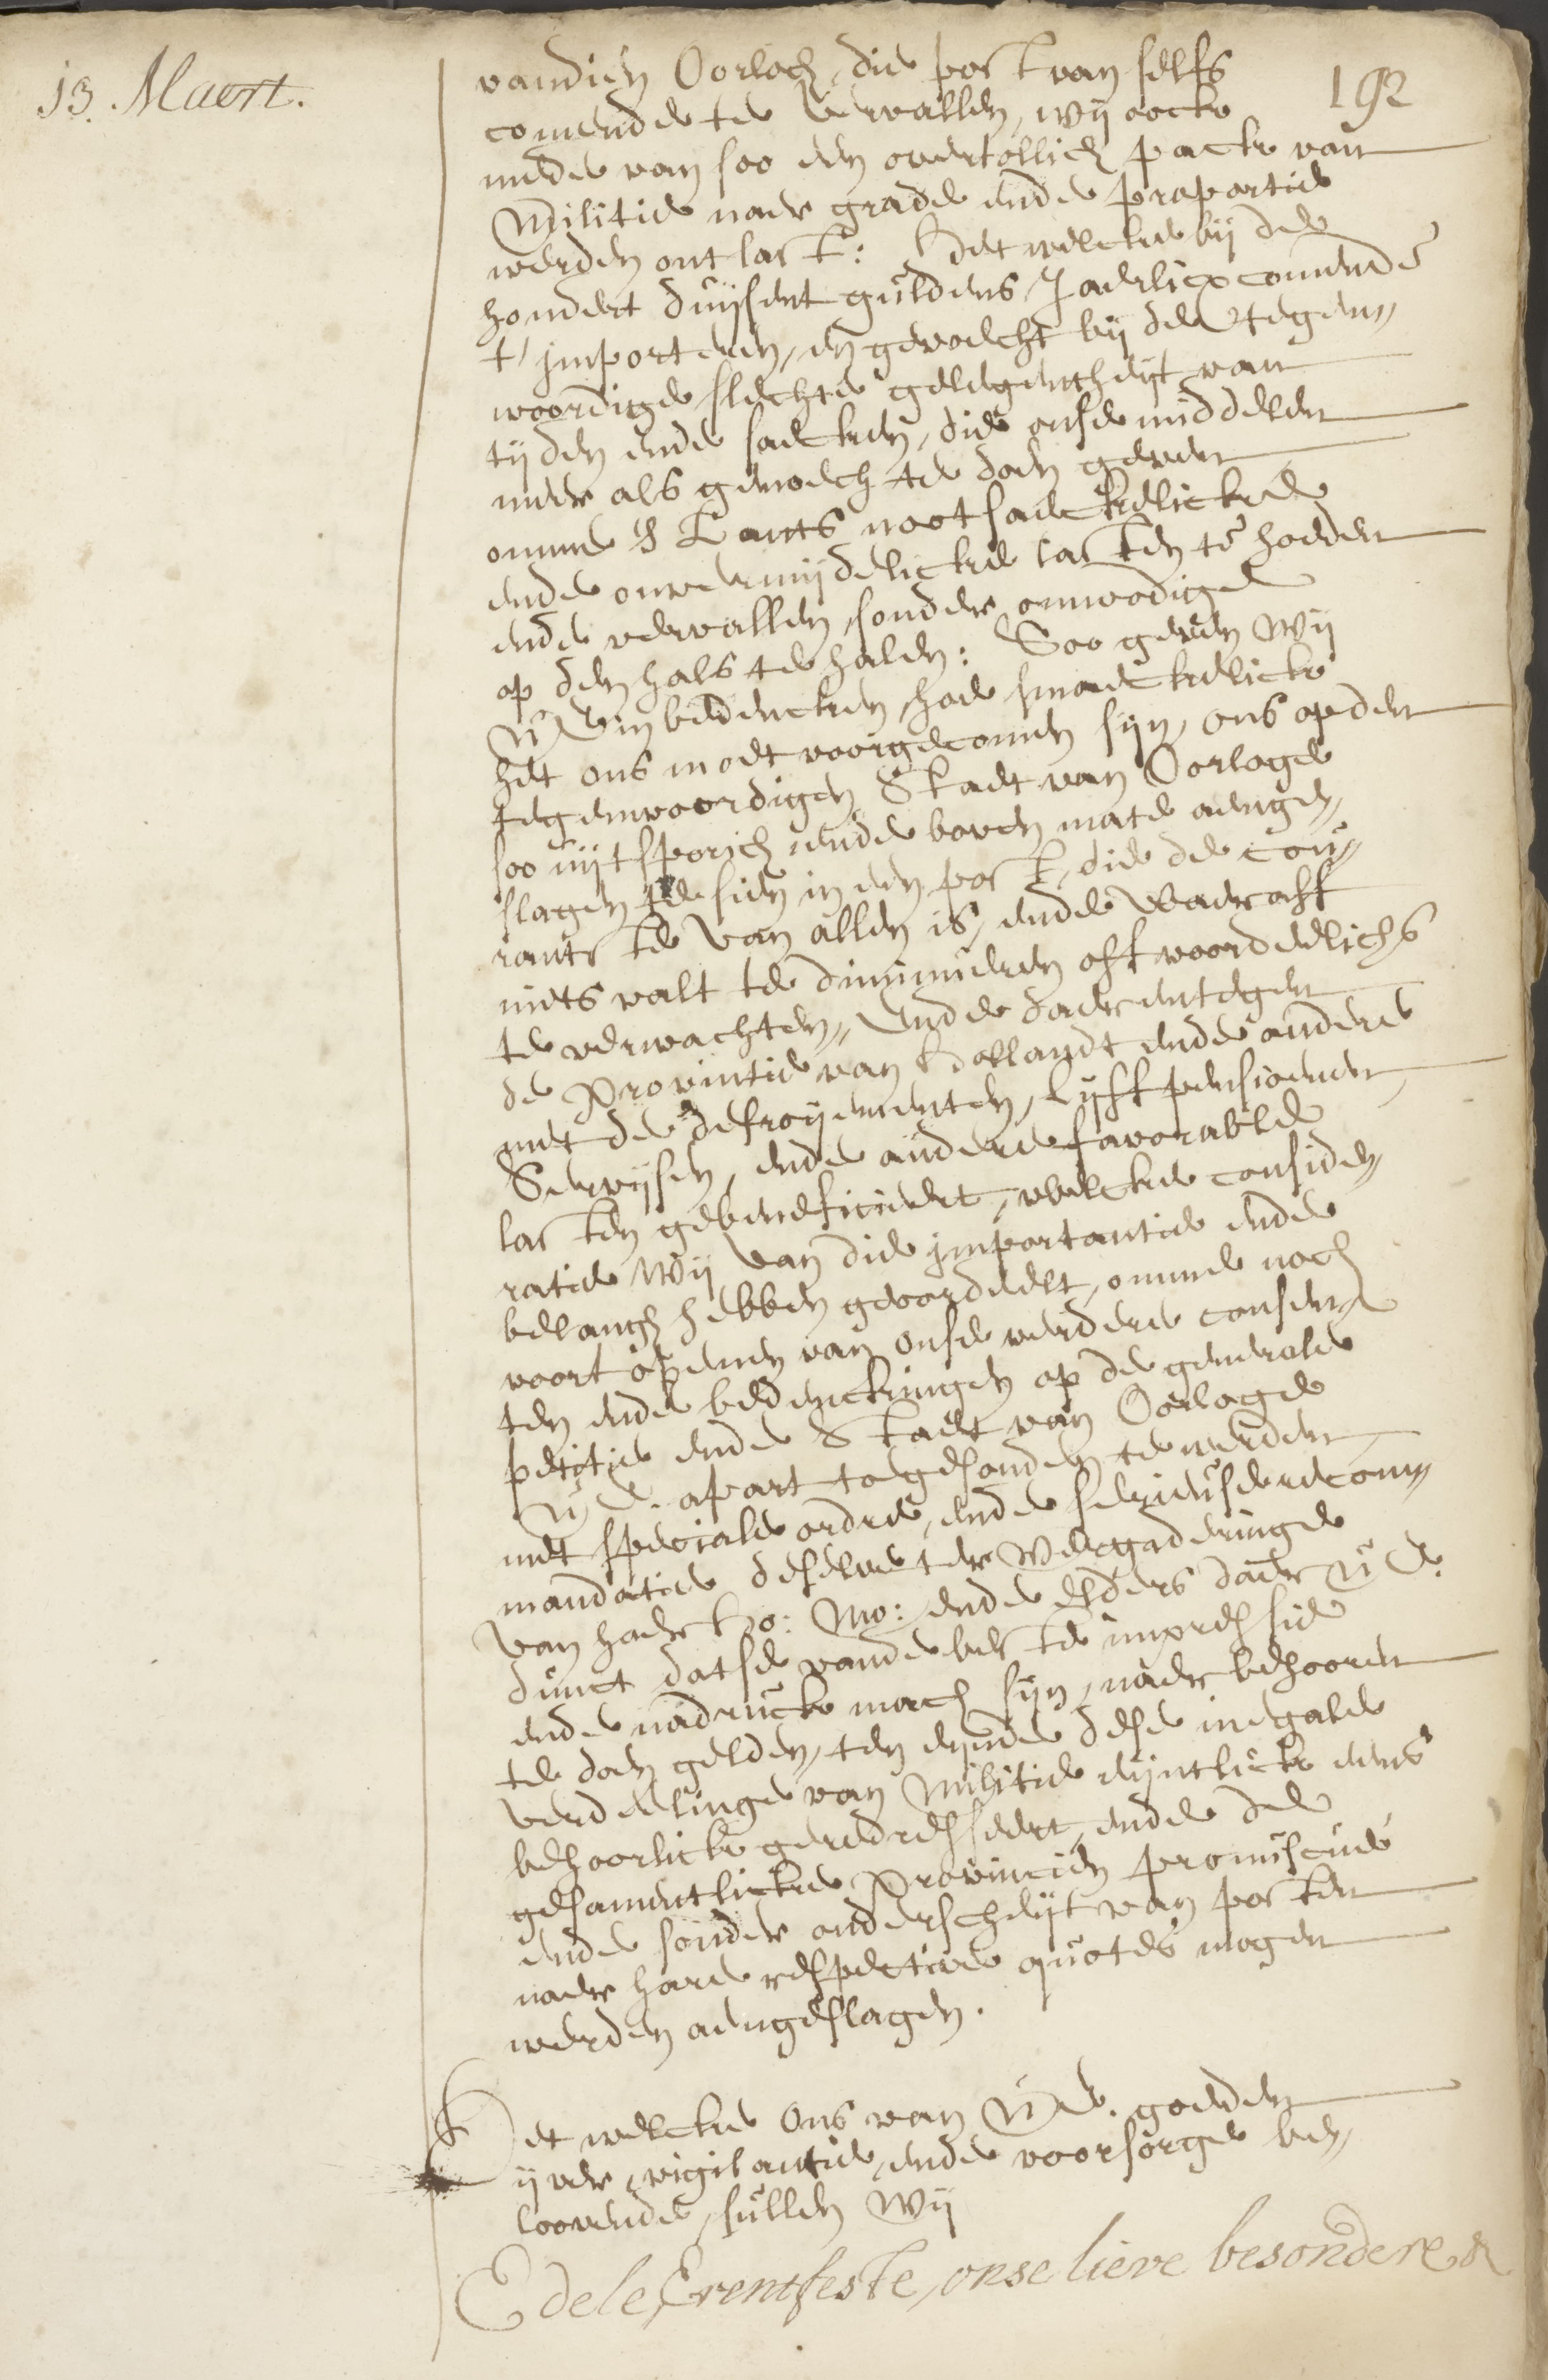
192
13. Maert.
vandien Oorloch, die post van selfs
comende te vervallen, wij oock
mede van soo een overtollich pack van
Militie naer grade ende proportie
werden ontlast: Het welcke bij de
hondert duijsent guldens Jaerlicx comende
t'importeren, en gevoecht bij de tegen„
woordiche slechte gelegentheijt van
tijden ende saecken, die onse middelen
meer als genoech te doen geven
omme ‛s Lants nootsaeckelicke
ende onvermijdelicke lasten te hoeden
ende vervallen, sonder onnoodige
op den hals te halen: Soo geven Wij
U E in bedencken, hoe smaeckelick
het ons moet voorgecomen sijn, ons opden
tegenwoordigen Staet van Oorloge
soo uijtsporich, ende boven mate aenge„
slagen te sien in een post, die de cou„
rantste van allen is, ende waeraff
niets valt te diminueren off voordeelichs
te verwachten. Ende daerentegen
de Provintie van Hollandt ende andere
met de defroijementen, Lijffpensioenen
Servijsen, ende andere favorable
lasten gebeneficieert, welcke conside„
ratie Wij van die importantie ende
belangh hebben geoordeelt, omme noch
voort openen van onse verdere consen„
ten ende bedenckingen op de generale
petitie ende Staet van Oorloge
U E. apart toegesonden te werden,
met speciale ordre, ende serieuse recom„
mandatie deselve ter Vergaderinge
van haer Ho:Mo: ende elders daer U E.
dunct datse vande beste impressie
ende nadruck mach sijn, naer behooren
te doen gelden, ten eijnde dese inegale
verdeelinge van Militie eijntlick eens
behoorlick geredresseert, ende de
gesamentlicke Provincien promiscue
ende sonder onderscheijt van posten
naer hare respective quotes mogen
werden aengeslagen.
Het welcke ons van U E. goeden
ijver, vigilantie, ende voorsorge be„
loovende, sullen Wij
Edele Erentfeste, onse lieve besondere
